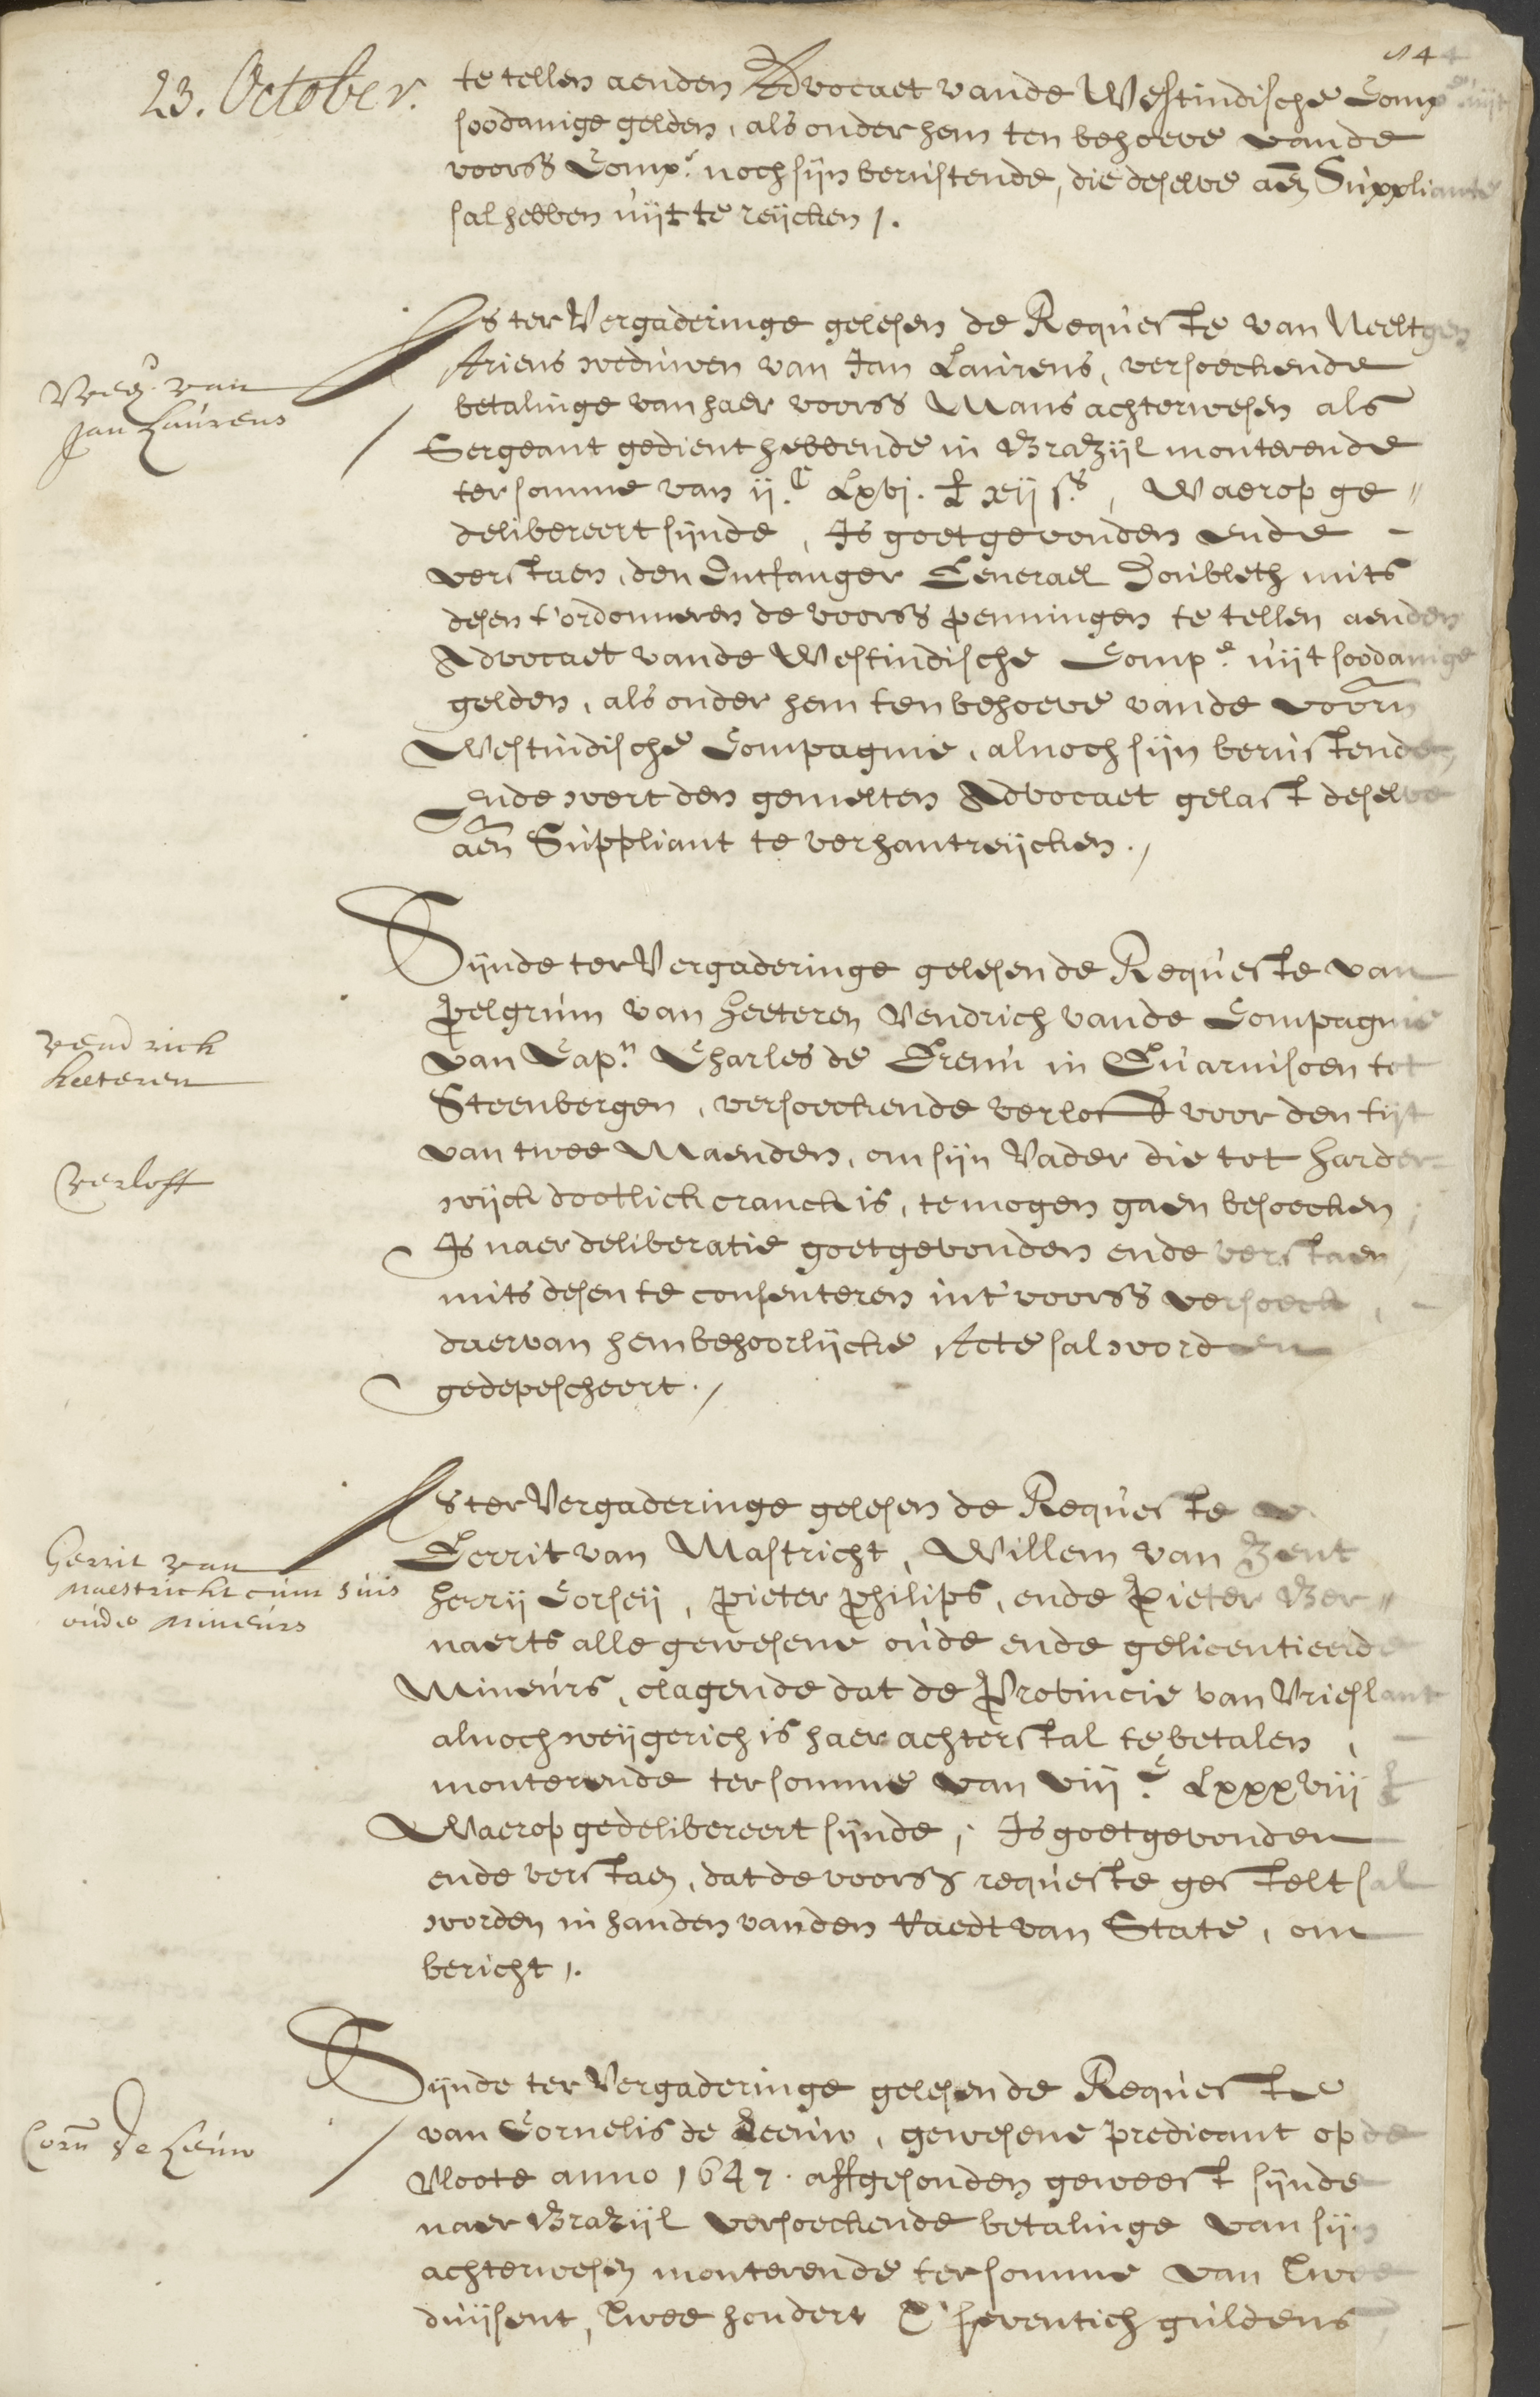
144
23. October.
te tellen aenden Advocaet vande Westindische Compe uijt
soodanige gelden, als onder hem ten behoeve vande
voors Compe noch sijn berustende, die deselve aen Suppliante
sal hebben uijt te reijcken.
Wede. van
Jan Laurens
Is ter Vergaderinge gelesen de Requeste van Neeltgen
Ariens weduwen van Jan Laurens, versoeckende
betalinge van haer voors Mans achterwesen als
Sergeant gedient hebbende in Brazijl monterende
ter somme van iic lxvi. L. xii ss. Waerop ge,,
delibereert sijnde, Is goetgevonden ende ¬
verstaen, den Ontfanger Generael Doubleth mits
desen t'ordonneren de voors penningen te tellen aenden
Advocaet vande Westindische Compe. uijt soodanige
gelden, als onder hem ten behoeve vande voorn.
Westindische Compagnie, alnoch sijn berustende
ende wort den gemelten Advocaet gelast deselve
aen Suppliant te verhantreijcken.
Vendrick
Heeteren
Verloff
Sijnde ter Vergaderinge gelesen de Requeste van
Pelgrum van Heeteren Vendrich vande Compagnie
van Capn. Charles de Grenu in Guarnisoen tot
Steenbergen, versoeckende verloff voor den tijt
van twee Maenden, om sijn Vader die tot harder„
wijck dootlick cranck is, te mogen gaen besoecken;
Is naer deliberatie goetgevonden ende verstaen,
mits desen te consenteren int' voors versoeck,
daervan hem behoorlijcke Acte sal worden
gedepescheert.
Gerrit van
Maestricht cum suis
ende mineurs
Is ter Vergaderinge gelesen de Requeste van
Gerrit van Mastricht, Willem van Zent,
Herrij Corseij, Pieter Philips, ende Pieter Ber„
naerts alle gewesene oude ende gelicentieerde
Mineurs, clagende dat de Provincie van Vrieslant
alnoch weijgerich is haer achterstal te betalen,
monterende ter somme van viiic lxxxviii L.
Waerop gedelibereert sijnde, Is goetgevonden
ende verstaen, dat de voors requeste gestelt sal
worden in handen vanden Raedt van State, om
bericht.
Corn de Leuw
Sijnde ter Vergaderinge gelesen de Requeste
van Cornelis de Leeuw, gewesene predicant op de
Vloote anno 1647, affgesonden geweest sijnde,
naer Brazijl, versoeckende betalinge van sijn
achterwesen monterende ter somme van twee
duijsent, twee hondert T‛seventich guldens,
